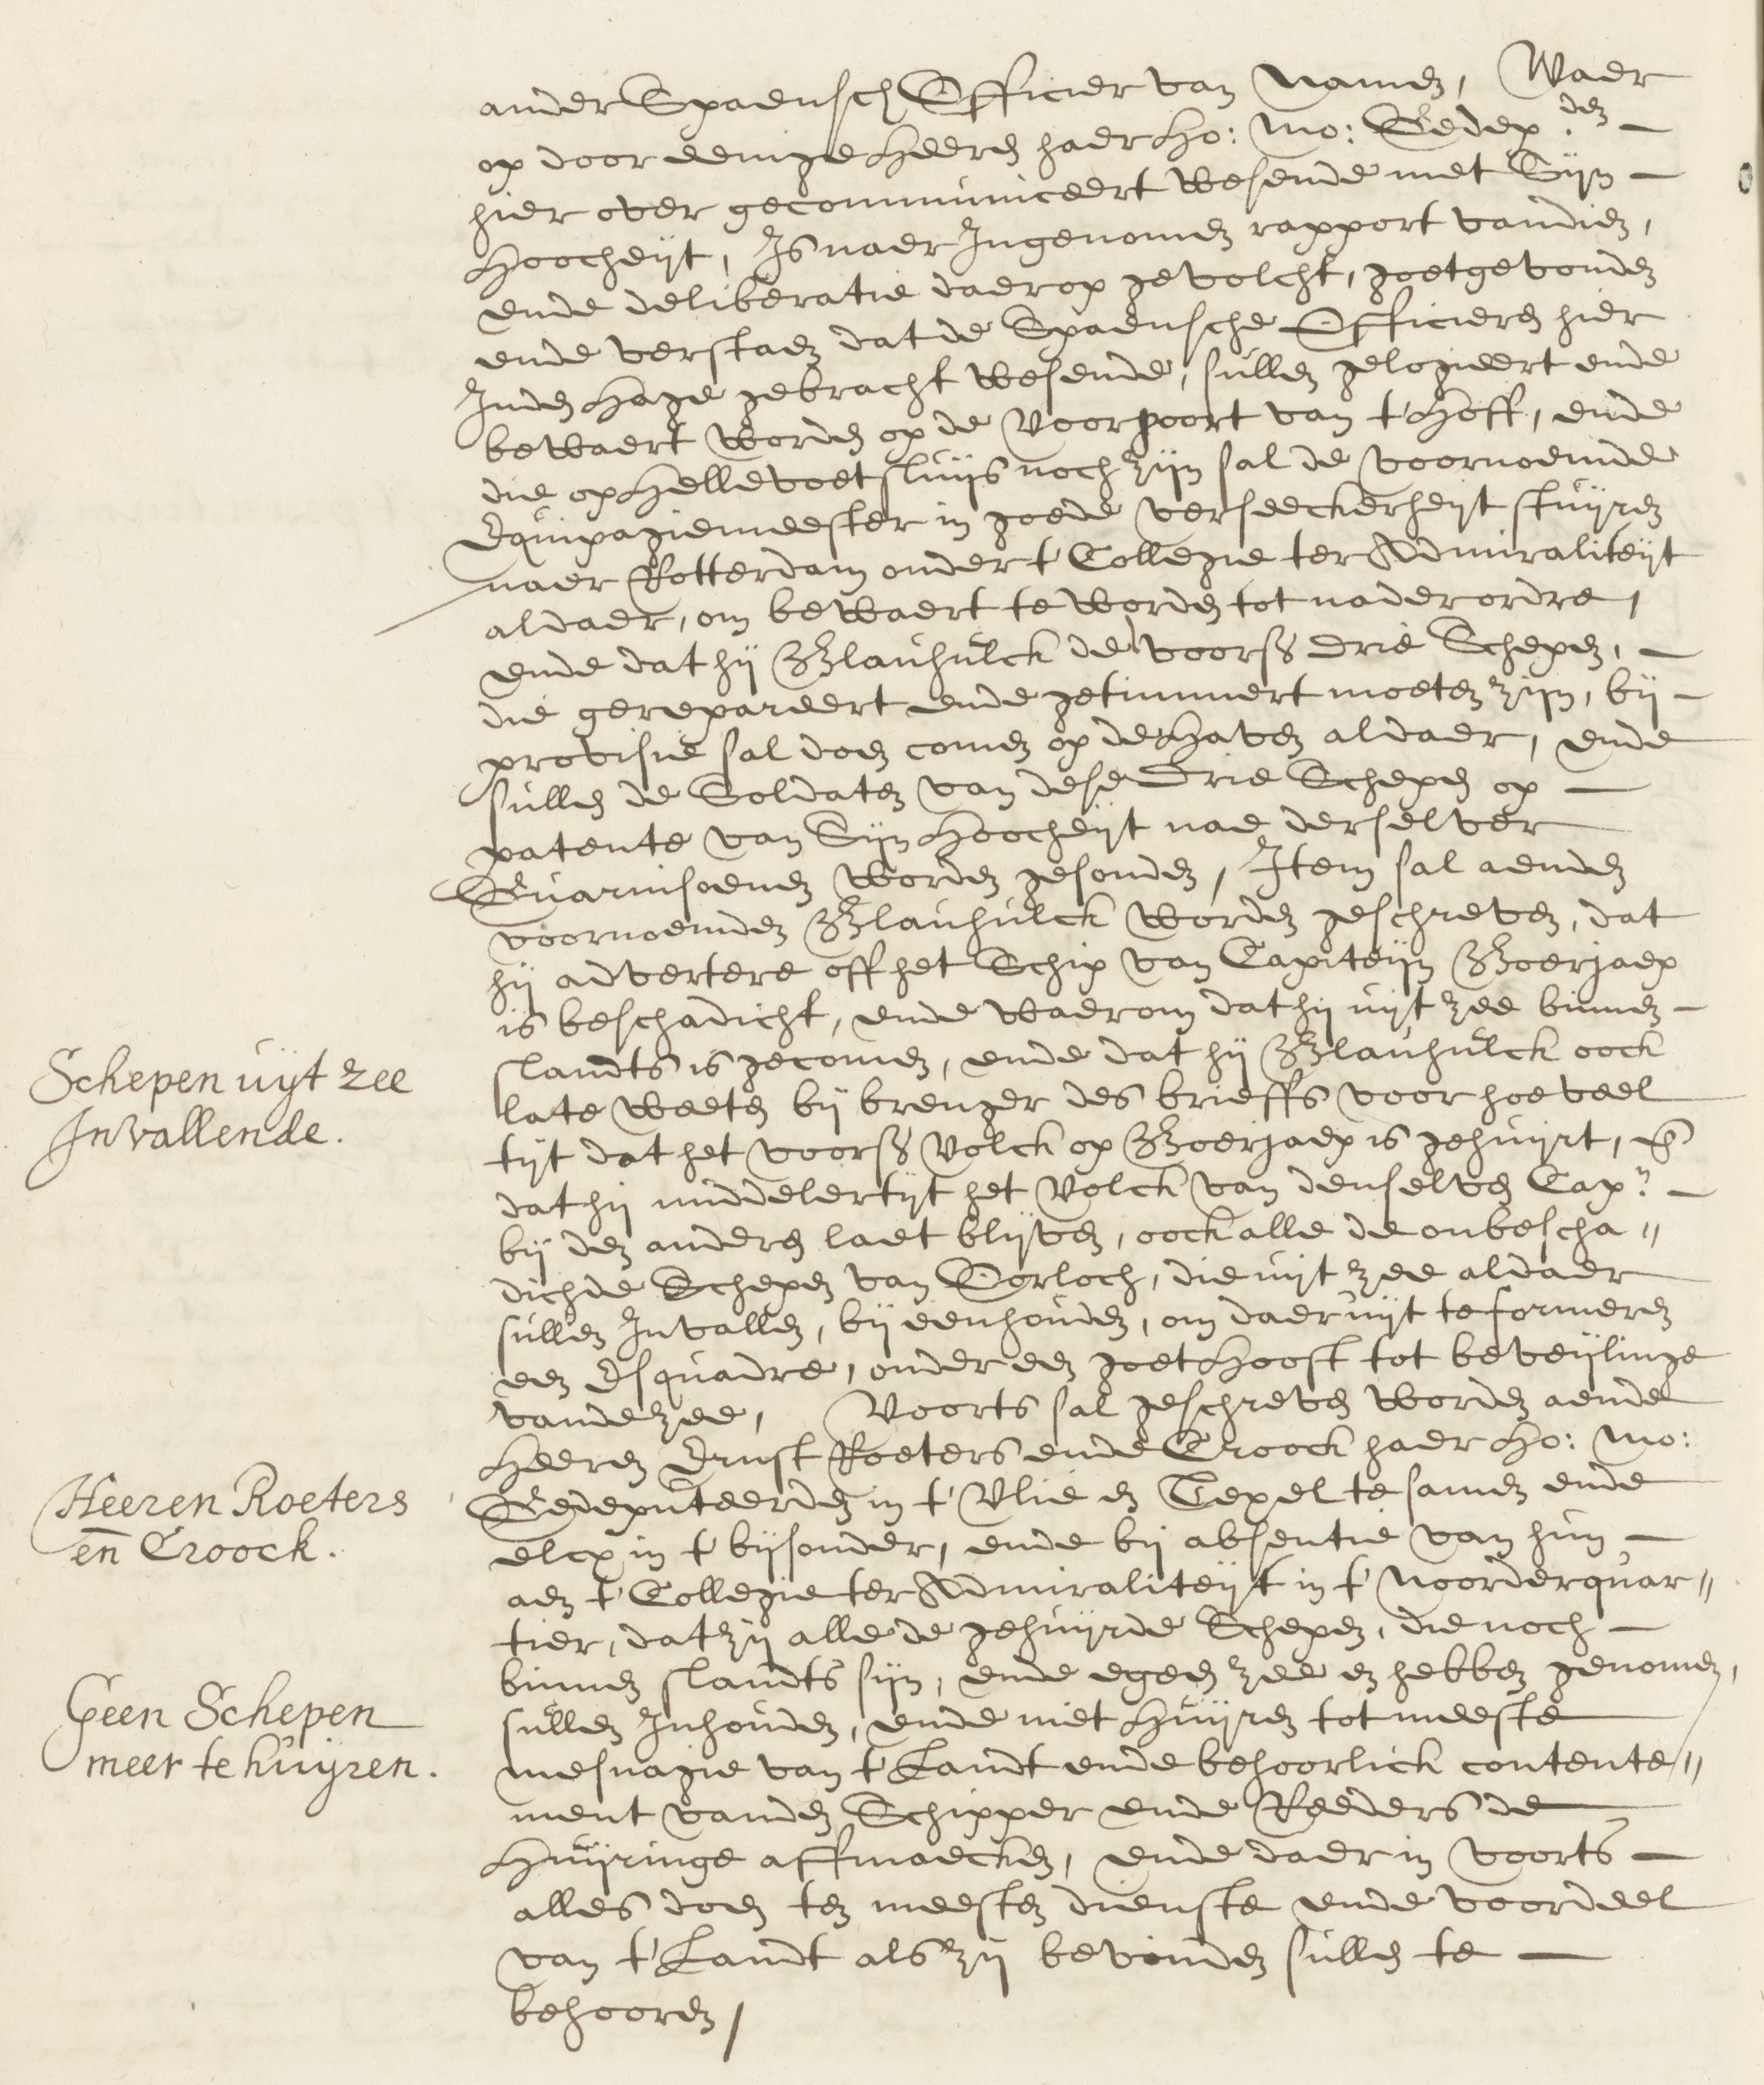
Schepen uijt zee
Invallende.
Heeren Roeters
en Croock.
Geen Schepen
meer te huijren.
ander Spaensch Officier van namen. Waer
op door eenige heeren haer Ho:Mo: Gedepden —
hier over gecommuniceert wesende met Sijn —
Hoocheijt, Is naer Ingenomen rapport vandien,
ende deliberatie daerop gevolcht, goetgevonden
ende verstaen dat de Spaensche Officieren hier
Inden Hage gebracht wesende, sullen gelogueert ende
bewaert worden op de Voorpoort van t'Hoff, ende
die op Hellevoetsluijs noch zijn sal de voornoemde
Equipagiemeester in goede verseeckerheijt stuijren
naer Rotterdam onder t'Collegie ter Admiraliteijt
aldaer, om bewaert te worden tot nader ordre
ende dat hij Blauhulck de voorsz drie Schepen —
die gerepareert ende getimmert moeten zijn, bij -
provisie sal doen comen op de haven aldaer, ende
sullen de Soldaten van dese drie Schepen op —
patente van Sijn Hoocheijt nae derselver
Guarnisoenen worden gesonden. Item sal aenden
voornoemden Blauhulck worden geschreven, dat
hij advertere off het Schip van Capiteijn Boerjaep
is beschadicht, ende waerom dat hij uijt zee binnen
slandts is gecomen, ende dat hij Blauhulck oock
late weeten bij brenger des brieffs voor soeveel
tijt dat het voorsz volck op Boerjaep is gehuijrt, &
dat hij middelertijt het volck van denselven Capn —
bij den anderen laet blijven, oock alle de onbescha„
dichde Schepen van Oorloch, die uijt zee aldaer
sullen Invallen, bij eenhouden, om daer uijt te formeren
een Esquadre, onder een goet Hooft tot beveijlinge
vande zee. Voorts sal geschreven worden aende
Heeren Ernst Roeters ende Croock haer Ho:Mo:
Gedeputeerden in t'Vlie en Texel te samen ende
elcx in t'bijsonder, ende bij absentie van hun —
aen t'Collegie ter Admiraliteijt in t'Noorderquar„
tier, dat zij alle de gehuijrde Schepen, die noch —
binnen slandts sijn, ende egeen zee en hebben genomen,
sullen Inhouden, ende niet huijren tot meeste
mesnagie van t'Landt ende behoorlick contente„
ment vanden Schipper ende Reeders de
huijringe affmaecken, ende daerin voorts —
alles doen ten meesten dienste ende voordeel
van t'Landt als zij bevonden sullen te —
behooren.
